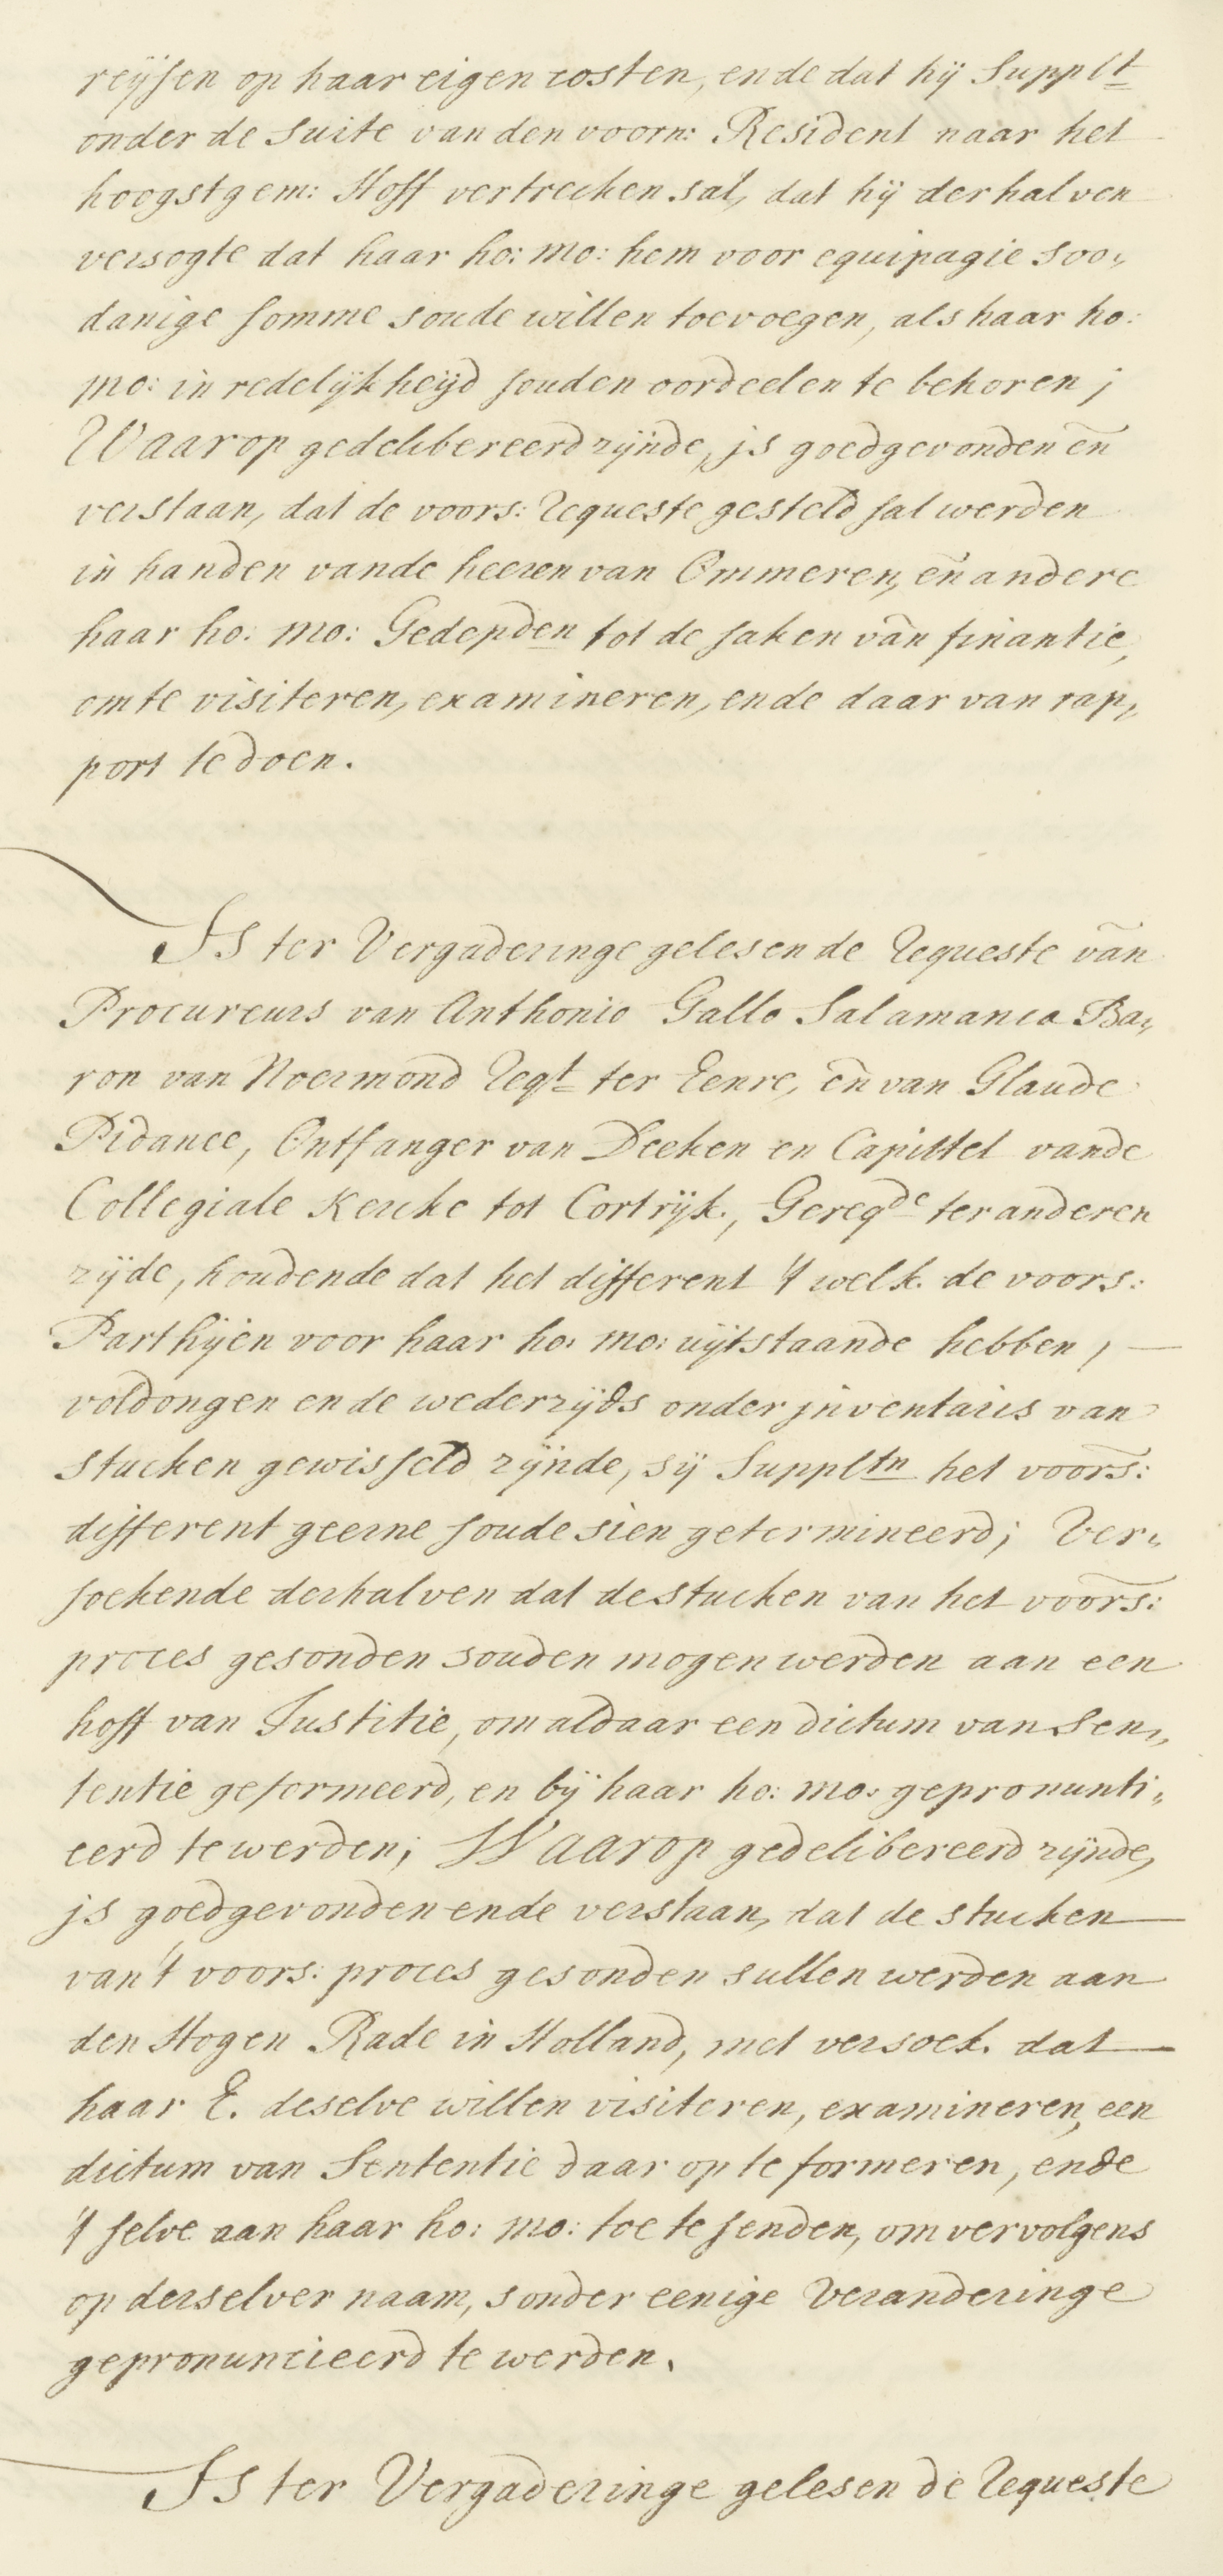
reijsen op haar eigen costen, ende dat hij supplt
onder de suite van den voorn: Resident naar het
hoogst gem: Hoff vertrecken sal, dat hij derhalven
versogte dat haar ho:mo: hem voor equipagie soo,,
danige somme soude willen toevoegen, als haar ho:
mo: in redelijkheijd souden oordeelen te behoren;
Waarop gedelibereerd zijnde, is goedgevonden en
verstaan, dat de voors: requeste gesteld sal werden
in handen vande heeren van Ommeren, en andere
haar Ho:Mo: Gedepden tot de saken van finantie,
om te visiteren, examineren, ende daar van rap,,
port te doen.
Is ter vergaderinge gelesen de requeste van
Procureurs van Anthonio Gallo Salamanca Ba,,
ron van Roermond reqt. ter Eenre, en van Glaude
Pidance, Ontfanger van Deeken en Capittel vande
Collegiale Kerche tot Cortrijk, Gereqde ter anderen
zijde, houdende dat het different 't welk de voors:
Parthijen voor haar ho:mo: uijtstaande hebben,
voldongen en de wederzijds onder inventaris van
stucken gewisseld zijnde, sij suppltn. het voors:
different geerne soude sien getermineerd; Ver,
soekende derhalven dat de stucken van het voors:
proces gesonden souden mogen werden aan een
hoff van Justitie om aldaar een dictum van sen„
tentie geformeerd, en bij haar ho: mo: gepronunti„
eerd te werden; Waarop gedelibereerd zijnde,
is goedgevonden ende verstaan, dat de stucken
van 't voors: proces gesonden sullen werden aan
den Hogen Rade in Holland, met versoek dat
haar E. deselve willen visiteren, examineren, een
dectum van sententie daar op te formeren, ende
't selve aan haar ho:mo: toe te senden, om vervolgens
op derselver naam, sonder eenige veranderinge
gepronuncieerd te werden.
Is ter Vergaderinge gelesen de requeste
